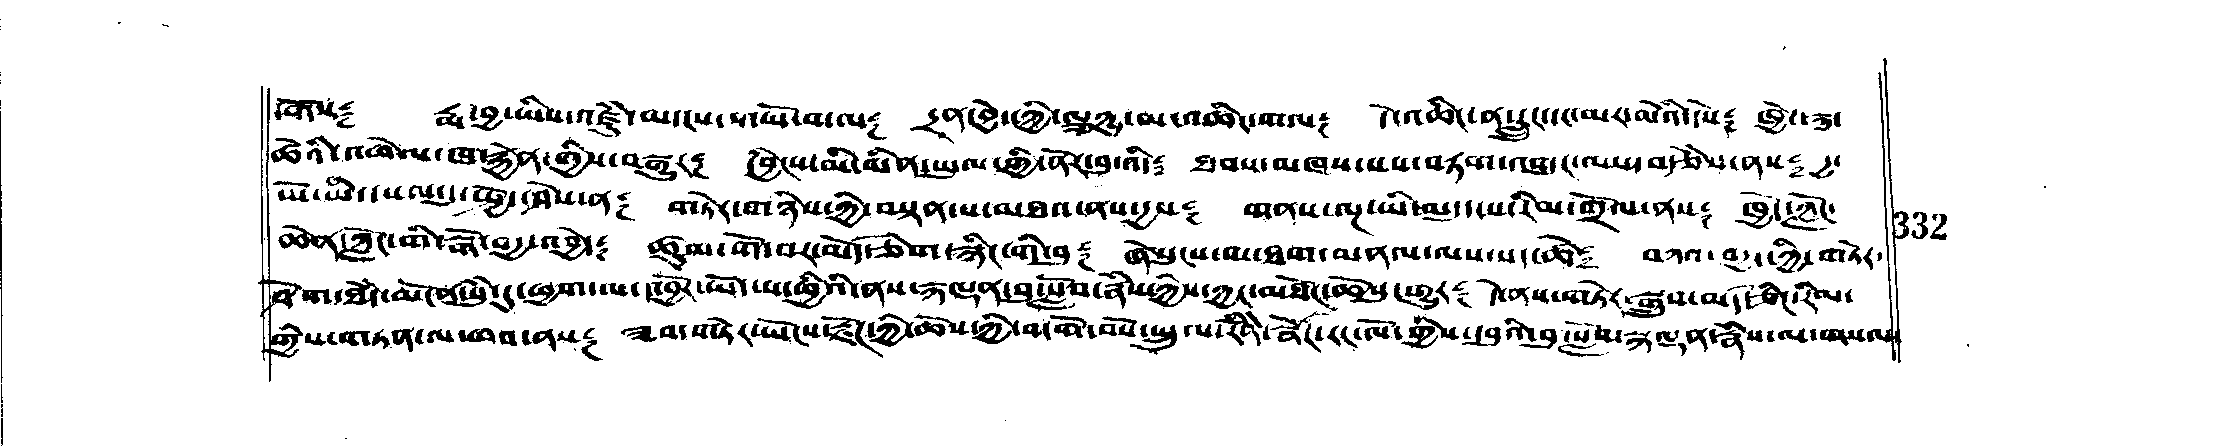དགོས། །རྨ་བྱ་ཡིས་འཛུམ་མདངས་གཡོ་བ་ལ། །དྲན་བྱེད་ཀྱི་ལྕགས་ཀྱུ་མ་འཆིང་གལ། །དེ་འཆིང་ན་རླུང་དང་མར་མེའི་དཔེ། ཁྱེད་སྐུ་
ཚེའི་འཕེལ་ཁ་རྐྱེན་གྱིས་བསྒྱུར། །དབྱིངས་མི་མིན་ཡུལ་གྱི་ནོར་བུ་འདི། །ཐབས་མཁས་པས་བརྟག་འགུགས་ལས་བརྩམས་ནས། །རྒྱ་
མོ་ཡི་དཔལ་དུ་སྤྱོད་ཤེས་ན། །གཏེར་གཉིས་ཀྱི་བསྟན་པ་མཐའ་ནས་རྒྱས། །གནས་ལྔ་ཡི་མདུད་པ་རིམ་གྲོལ་ནས།ཁྱོད་ཀློང་
ཆེན་ཀློང་གི་སྒོ་བརྒྱ་འབྱེད། །ཚུལ་གོ་བར་མཛོད་ཅིག་སྙིང་གི་བུ། །ཞེས་གསུངས་མ་ཐག་མནལ་ལས་སད་ཚེ། བཀའ་བརྒྱད་ཀྱི་གཏེར་
ཤོག་ཐམས་ཅད་མངོན་སུམ་དུ་ཕྱག་ལ་འབྱོར་ཡོད་པ་ཕྱིས་ནས་སྐལ་ལྡན་བུ་སློབ་རྣམས་ཀྱིས་ཀྱང་མཐོང་ཆོས་སུ་གྱུར། དེ་ནས་གཏེར་སྒྲུབ་མཛད་ཅིང་རིམ་
གྱིས་གཏན་ལ་ཕབ་ནས། ཟབ་གཏེར་ཡོངས་རྫོགས་ཀྱི་ཆོས་ཀྱི་བདག་པོ་བསོ་སྤྲུལ་རིན་པོ་ཆེ་སྣ་ཚོགས་རང་གྲོལ་གྱིས་དབུས་བུ་སློབ་སྐལ་ལྡན་རྣམས་ལ་གསལ་